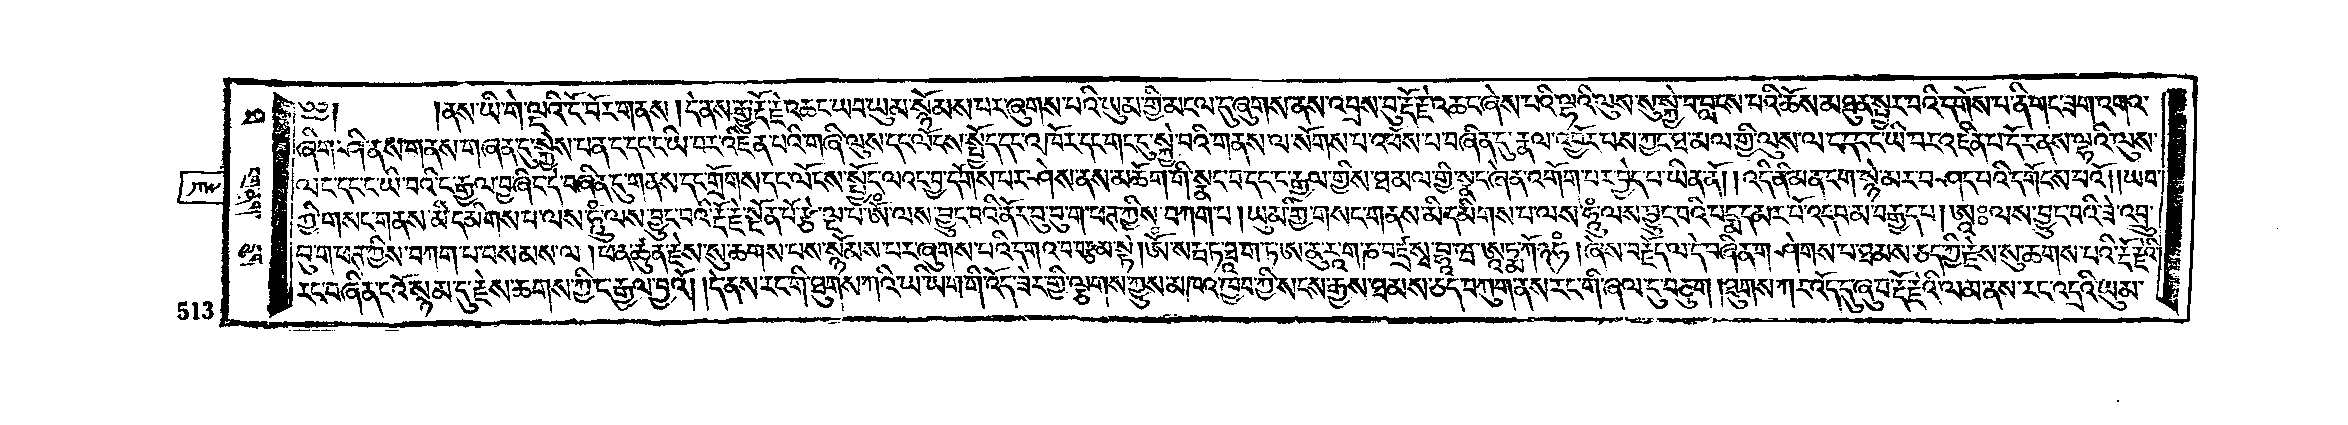༄༅། །ནས་ཡི་གེ་ལྔའི་ངོ་བོར་གནས། དེ་ནས་རྒྱུ་རྡོ་རྗེ་འཆང་ཡབ་ཡུམ་སྙོམས་པར་ཞུགས་པའི་ཡུམ་གྱི་མངལ་དུ་ཞུགས་ནས་འབྲས་བུ་རྡོ་རྗེ་འཆང་ཞེས་པའི་ལྷའི་ལུས་སུ་སྐྱེ་བ་བླངས་པའི་ཆོས་མཐུན་སྦྱར་བའི་དགོས་པ་ནི་གང་ཟག་འགའ་
ཞིག་ཤི་ནས་གནས་གཞན་དུ་སྐྱེས་པ་ན་ང་དང་ང་ཡི་བར་འཛིན་པའི་གཞི་ལུས་དང་ལོངས་སྤྱོད་དང་འཁོར་དང་གང་དུ་སྐྱེ་བའི་གནས་ལ་སོགས་པ་འཕོས་པ་བཞིན་དུ་རྣལ་འབྱོར་པས་ཀྱང་ཐ་མལ་གྱི་ལུས་ལ་ང་དང་ང་ཡི་བར་འཛིན་པ་དོར་ནས་ལྷའི་ལུས་
ལང་དང་ང་ཡི་བའི་ང་རྒྱལ་བྱ་ཞིང་དེ་བཞིན་དུ་གནས་དང་གྲོགས་དང་ལོངས་སྤྱོད་ལའང་བྱ་དགོས་པར་ཤེས་ནས་མཆོག་གི་སྣང་བ་དང་ང་རྒྱལ་གྱིས་ཐ་མལ་གྱི་སྣང་ཞེན་འགོག་པར་བྱེད་པ་ཡིན་ནོ། །འདི་ནི་མན་ངག་སྙེ་མར་བཤད་པའི་དགོངས་པའོ། །ཡབ་
ཀྱི་གསང་གནས་མི་དམིགས་པ་ལས་ཧཱུཾ་ལས་བྱུང་བའི་རྡོ་རྗེ་སྔོན་པོ་རྩེ་ལྔ་པ་ཨོཾ་ལས་བྱུང་བའི་ནོར་བུ་བུ་ག་ཕཊ་ཀྱིས་བཀག་པ། ཡུམ་གྱི་གསང་གནས་མི་དམིགས་པ་ལས་ཧཱུཾ་ལས་བྱུང་བའི་པདམ་དམར་པོ་འདབ་མ་བརྒྱད་པ། ཨཱཿ ལས་བྱུང་བའི་ཟེ་འབྲུ་
བུ་ག་ཕཊ་ཀྱིས་བཀག་པ་བསམས་ལ། ཕན་ཚུན་རྗེས་སུ་ཆགས་པས་སྙོམས་པར་ཞུགས་པའི་དགའ་བ་བརྩམ་སྟེ། ཨོཾ་སརྦ་ཏ་ཐཱ་ག་ཏ་ཨ་ནུ་རཱ་ག་ཎ་བཛྲ་སྭ་བྷཱ་ཝ་ཨཱཏྨ་ཀོཉྷཾ། ཞེས་བརྗོད་ལ་དེ་བཞིན་གཤེགས་པ་ཐམས་ཅད་ཀྱི་རྗེས་སུ་ཆགས་པའི་རྡོ་རྗེའི་
རང་བཞིན་ངའོ་སྙམ་དུ་རྗེས་ཆགས་ཀྱི་ང་རྒྱལ་བྱའོ། །དེ་ནས་རང་གི་ཐུགས་ཀའི་ཡ་ཡིག་གི་འོད་ཟེར་གྱི་ལྕགས་ཀྱུས་མཁའ་ཁྱབ་ཀྱི་སངས་རྒྱས་ཐམས་ཅད་བཀུག་ནས་རང་གི་ཞལ་དུ་བཅུག །ཐུགས་ཀར་འོད་དུ་ཞུ་བ་རྡོ་རྗེའི་ལམ་ནས་རང་འདྲའི་ཡུམ་